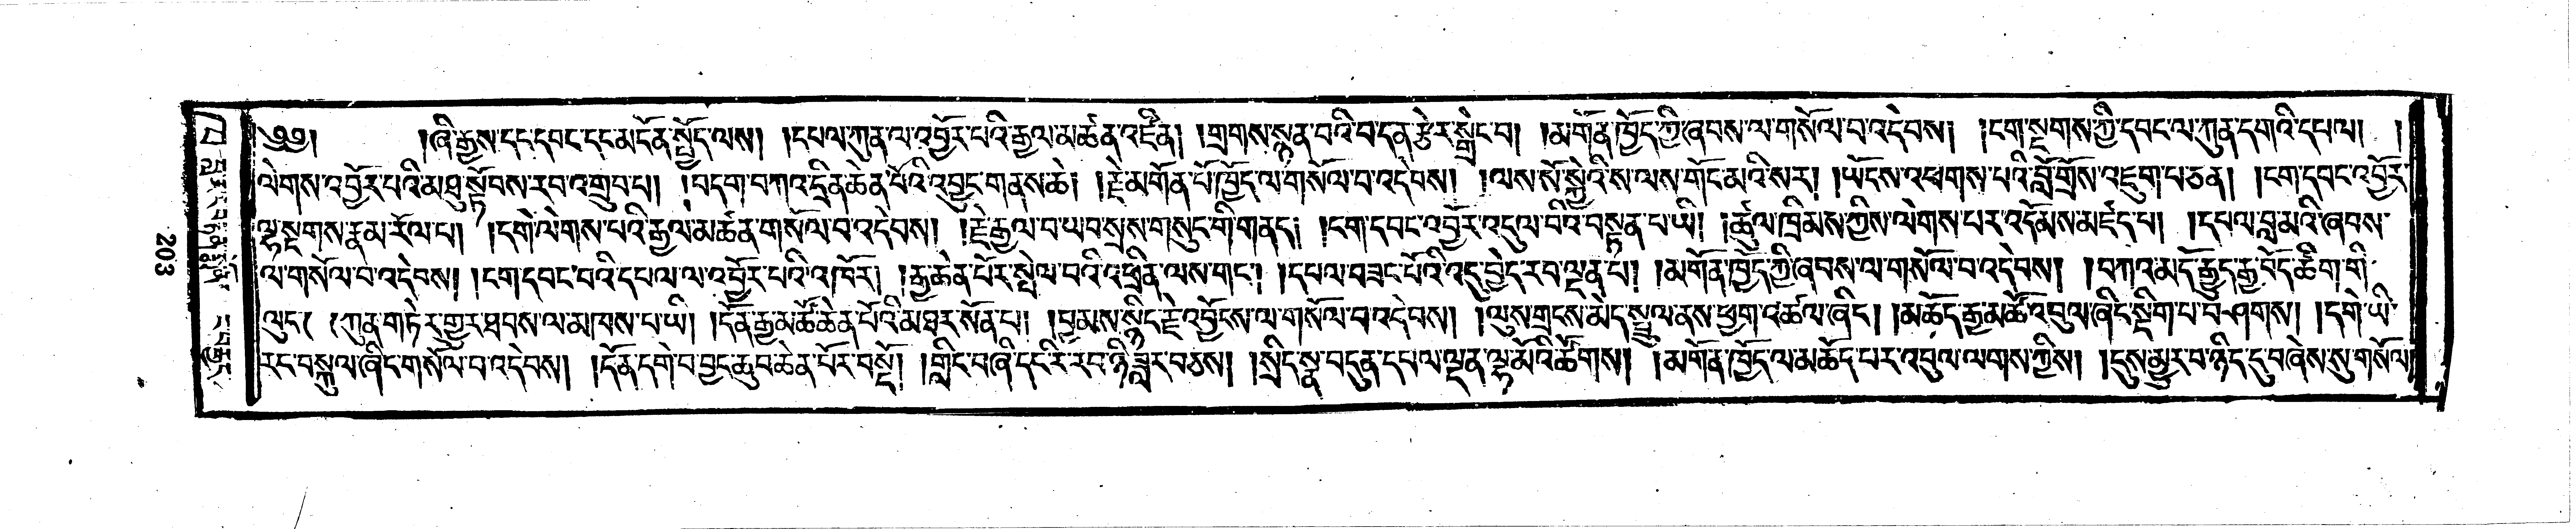༄༅། །ཞི་རྒྱས་དང་དབང་དང་མངོན་སྤྱོད་ལས། །དཔལ་ཀུན་ལ་འབྱོར་པའི་རྒྱལ་མཚན་འཛིན། །གྲགས་སྙན་པའི་བ་དན་རྩེར་སྒྲེང་བ། །མགོན་ཁྱོད་ཀྱི་ཞབས་ལ་གསོལ་བ་འདེབས། །ངག་སྔགས་ཀྱི་དབང་ལ་ཀུན་དགའི་དཔལ། །
ལེགས་འབྱོར་པའི་མཐུ་སྟོབས་རབ་འགྲུབ་པ། །བདག་བཀའ་དྲིན་ཆེན་པོའི་འབྱུང་གནས་ཆེ། །རྗེ་མགོན་པོ་ཁྱོད་ལ་གསོལ་བ་འདེབས། །ལས་སོ་སྐྱེའི་ས་ལས་གོང་མའི་སར། །ཡོངས་འཕགས་པའི་བློ་གྲོས་འཇུག་པ་ཅན། །ངག་དབང་འབྱོར་
ལྷ་སྔགས་རྣམ་རོལ་པ། །དགེ་ལེགས་པའི་རྒྱལ་མཚན་གསོལ་བ་འདེབས། །རྗེ་རྒྱལ་བ་ཡབ་སྲས་གསུང་གི་གནང་། །ངག་དབང་འབྱོར་འདུལ་བའི་བསྟན་པ་ཡི། །ཚུལ་ཁྲིམས་ཀྱིས་ལེགས་པར་འདོམས་མཛད་པ། །དཔལ་བླ་མའི་ཞབས་
ལ་གསོལ་བ་འདེབས། །ངག་དབང་བའི་དཔལ་ལ་འབྱོར་པའི་འཁོར། །རྒྱ་ཆེན་པོར་སྤེལ་བའི་འཕྲིན་ལས་གང་། །དཔལ་བཟང་པོའི་འདུ་བྱེད་རབ་ལྡན་པ། །མགོན་ཁྱོད་ཀྱི་ཞབས་ལ་གསོལ་བ་འདེབས། །བཀའ་མདོ་རྒྱུད་རྒྱ་བོད་ཚིག་གི་
ལུང༑ ༑ཀུན་གཏེར་གྱུར་ཐབས་ལ་མཁས་པ་ཡི། །དོན་རྒྱ་མཚོ་ཆེན་པོའི་མཐར་སོན་པ། །བྱམས་སྙིང་རྗེ་འབྱོངས་ལ་གསོལ་བ་འདེབས། །ལུས་གྲངས་མེད་སྦྲུལ་ནས་ཕྱག་འཚལ་ཞིང་། །མཆོད་རྒྱ་མཚོ་འབུལ་ཞིང་སྡིག་པ་བཤགས། །དགེ་ཡི་
རང་བསྐུལ་ཞིང་གསོལ་བ་འདེབས། །དོན་དགེ་བ་བྱང་ཆུབ་ཆེན་པོར་བསྡོ། །གླིང་བཞི་དང་རི་རབ་ཉི་ཟླར་བཅས། །སྲིད་སྣ་བདུན་དཔལ་ལྡན་ལྷ་མོའི་ཚོགས། །མགོན་ཁྱོད་ལ་མཆོད་པར་འབུལ་ལགས་ཀྱིས། །དུས་མྱུར་བ་ཉིད་དུ་བཞེས་སུ་གསོལ།